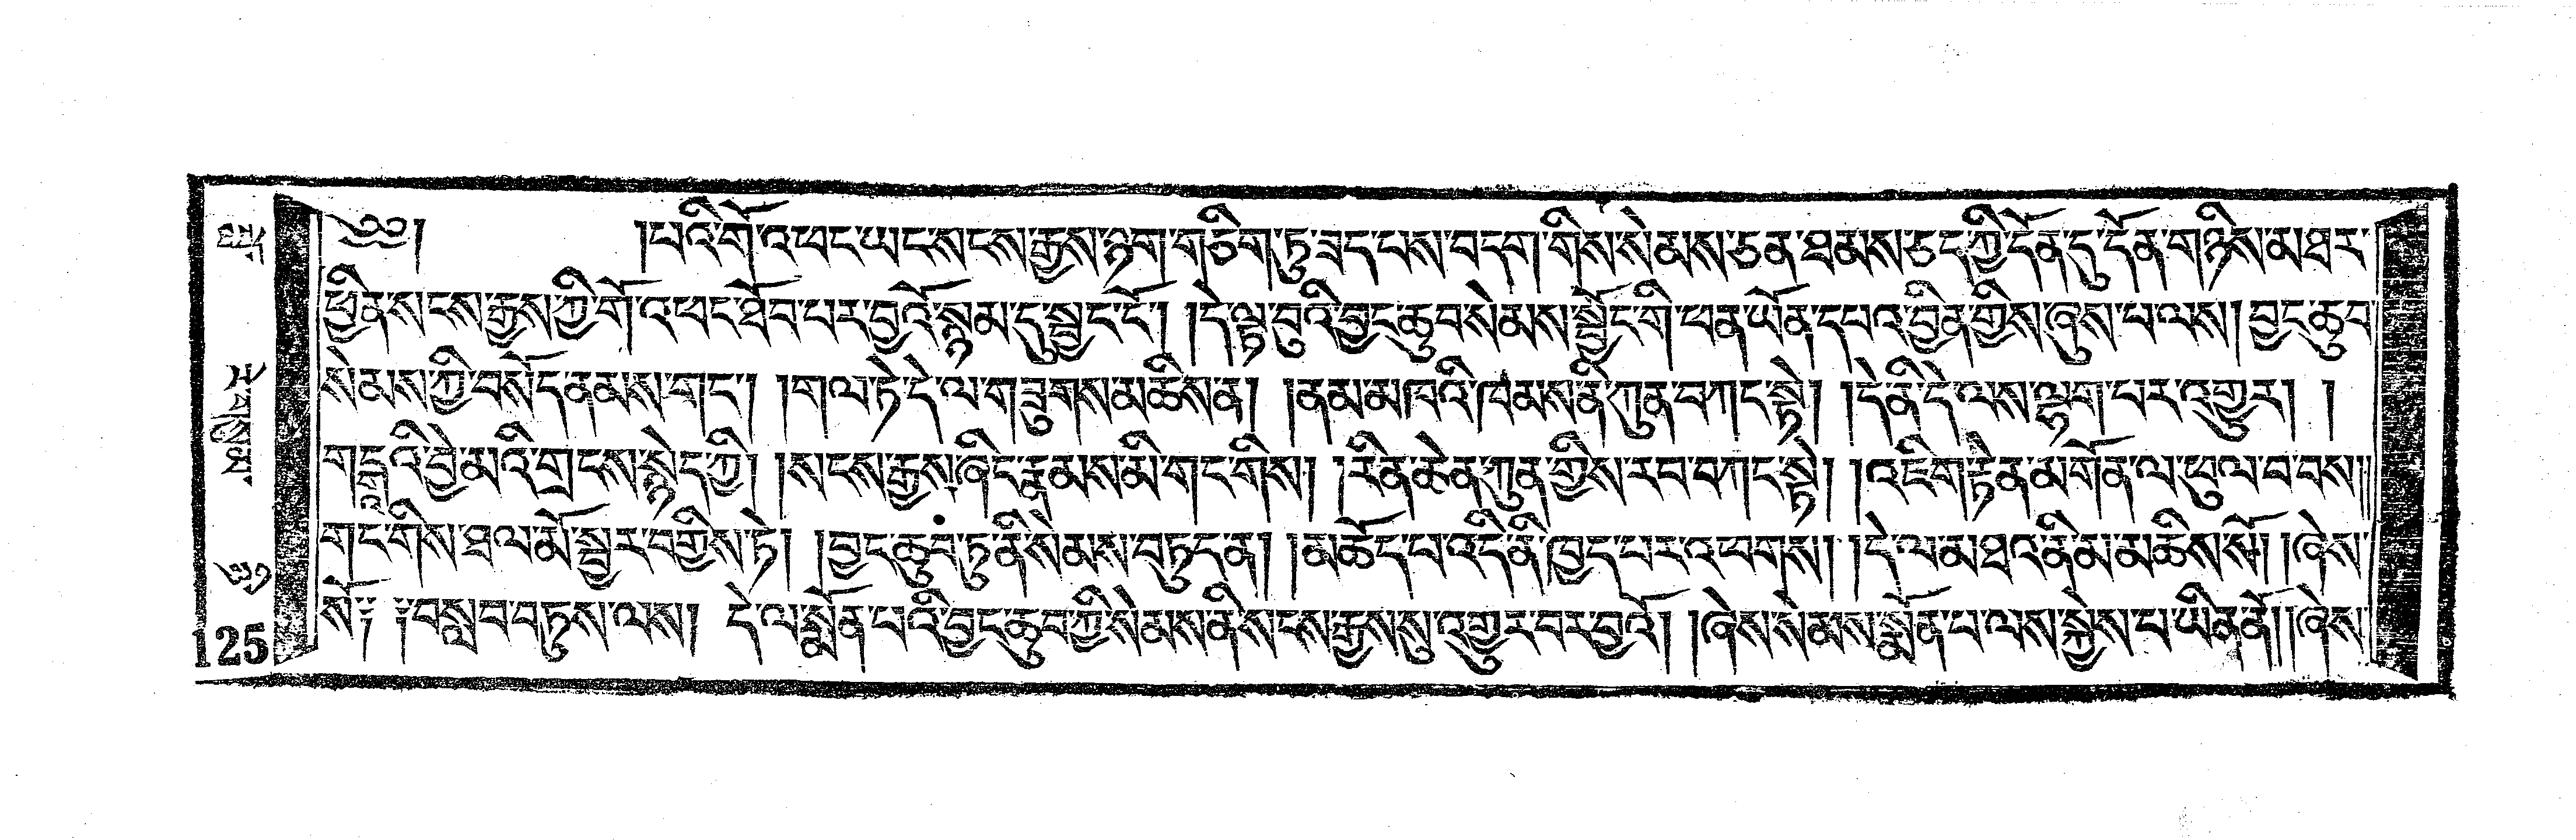༄༅། །པའི་གོ་འཕང་ཡང་སངས་རྒྱས་ཉག་གཅིག་ཏུ་ཟད་པས་བདག་གིས་སེམས་ཅན་ཐམས་ཅད་ཀྱི་དོན་དུ་དོན་གཉིས་མཐར་
ཕྱིན་སངས་རྒྱས་ཀྱི་གོ་འཕང་ཐོབ་པར་བྱའོ་སྙམ་དུ་སྦྱང་ངོ། །དེ་ལྟ་བུའི་བྱང་ཆུབ་སེམས་སྦྱོང་གི་ཕན་ཡོན་དཔའ་བྱིན་གྱིས་ཞུས་པ་ལས། བྱང་ཆུབ་
སེམས་ཀྱི་བསོད་ནམས་གང་། །གལ་ཏེ་དེ་ལ་གཟུགས་མཆིས་ན། །ནམ་མཁའི་ཁམས་ནི་ཀུན་བཀང་སྟེ། །དེ་ནི་དེ་ལས་ལྷག་པར་འགྱུར། །
གངྒཱའི་བྱེ་མའི་གྲངས་སྙེད་ཀྱི། །སངས་རྒྱས་ཞིང་རྣམས་མི་གང་གིས། །རིན་ཆེན་ཀུན་གྱིས་རབ་བཀང་སྟེ། །འཇིག་རྟེན་མགོན་ལ་ཕུལ་བ་བས།།
གང་གིས་ཐལ་མོ་སྦྱར་བགྱིས་ཏེ། །བྱང་ཆུབ་ཏུ་ནི་སེམས་བཏུད་ན། །མཆོད་པ་འདི་ནི་ཁྱད་པར་འཕགས། །དེ་ལ་མཐའ་ནི་མ་མཆིས་སོ། །ཞེས་
སོ༑ ༑བསླབ་བཏུས་ལས། དེ་ལ་སྨོན་པའི་བྱང་ཆུབ་ཀྱི་སེམས་ནི་སངས་རྒྱས་སུ་འགྱུར་བར་བྱའོ། །ཞེས་སེམས་སྨོན་པ་ལས་སྐྱེས་པ་ཡིན་ནོ། །ཞེས་